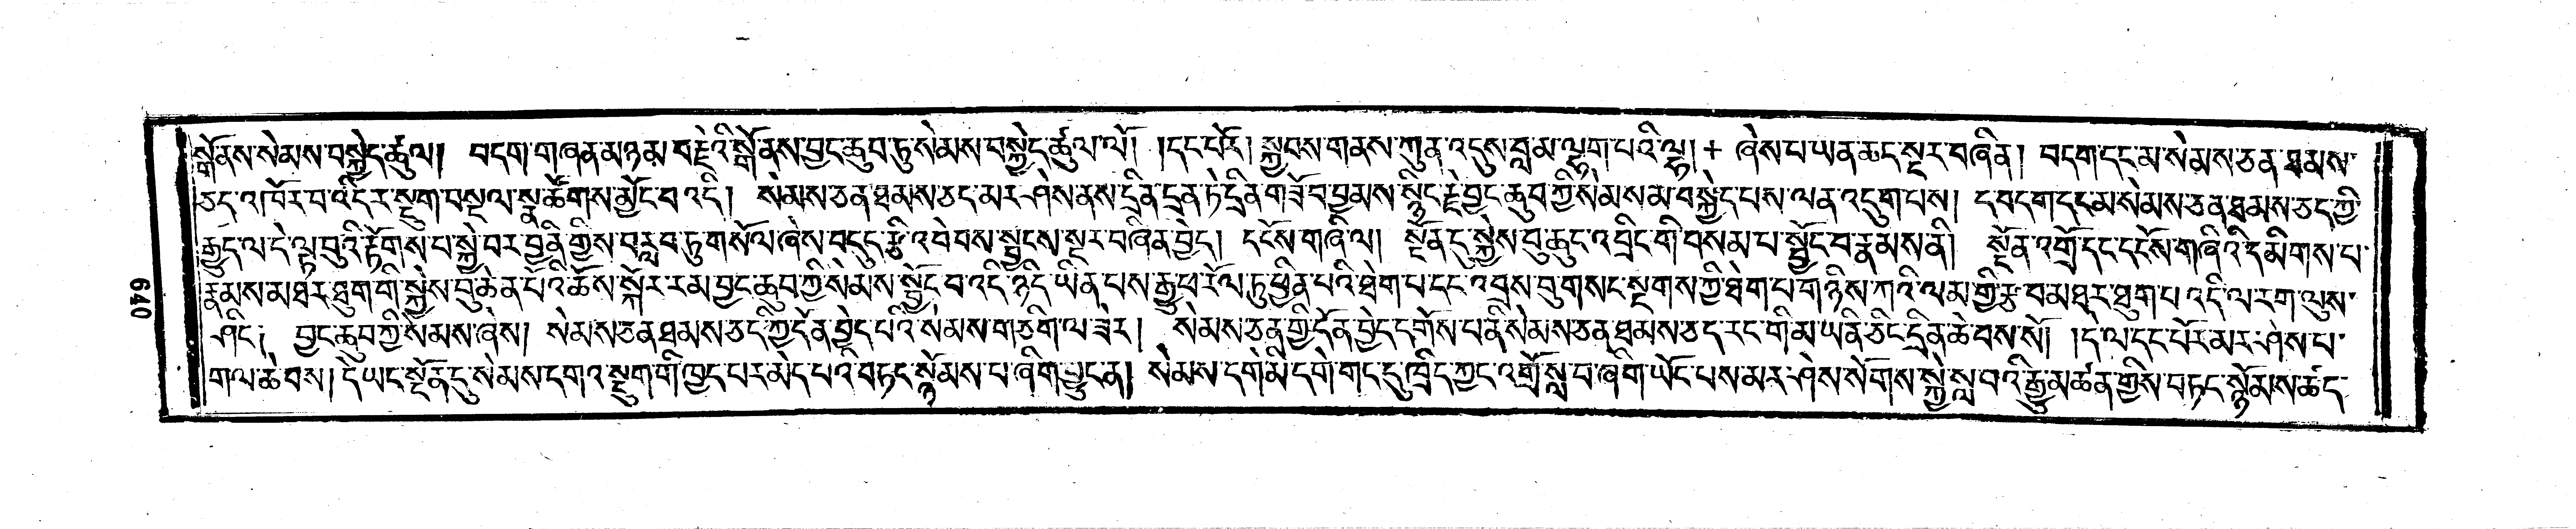སྒོ་ནས་སེམས་བསྐྱེད་ཚུལ། བདག་གཞན་མཉམ་བརྗེའི་སྒོ་ནས་བྱང་ཆུབ་ཏུ་སེམས་བསྐྱེད་ཚུལ་ལོ། །དང་བོར། སྐྱབས་གནས་ཀུན་འདུས་བླ་མ་ལྷག་པའི་ལྷ། +་ཞེས་པ་ཡན་ཆད་སྔར་བཞིན། བདག་དང་མ་སེམས་ཅན་ཐམས་
ཅད་འཁོར་བ་འདིར་སྡུག་བསྔལ་སྣ་ཚོགས་མྱོང་བ་འདི། སེམས་ཅན་ཐམས་ཅད་མར་ཤེས་ནས་དྲིན་དྲན་ཏེ་དྲིན་གཟོ་བ་བྱམས་སྙིང་རྗེ་བྱང་ཆུབ་ཀྱི་སེམས་མ་བསྐྱེད་པས་ལན་འདུག་པས། ད་བདག་དང་མ་སེམས་ཅན་ཐམས་ཅད་ཀྱི་
རྒྱུད་ལ་དེ་ལྟ་བུའི་རྟོགས་པ་སྐྱེ་བར་བྱིན་གྱིས་བརླབ་ཏུ་གསོལ་ཞེས་བདུད་རྩི་འབེབས་སྦྱངས་སྔར་བཞིན་བྱེད། དངོས་གཞི་ལ། སྔོན་དུ་སྐྱེས་བུ་ཆུང་འབྲིང་གི་བསམ་པ་སྦྱོང་བ་རྣམས་ནི། སྔོན་འགྲོ་དང་དངོས་གཞིའི་དམིགས་པ་
རྣམས་མཐར་ཐུག་གི་སྐྱེས་བུ་ཆེན་པོའི་ཆོས་སྐོར་རམ་བྱང་ཆུབ་ཀྱི་སེམས་སྦྱོང་བ་འདི་ཉིད་ཡིན་པས་རྒྱུ་ཕ་རོལ་ཏུ་ཕྱིན་པའི་ཐེག་པ་དང་འབྲས་བུ་གསང་སྔགས་ཀྱི་ཐེག་པ་གཉིས་ཀའི་ལམ་གྱི་རྩ་བ་མཐར་ཐུག་པ་འདི་ལ་རག་ལུས་
ཤིང༑ བྱང་ཆུབ་ཀྱི་སེམས་ཞེས། སེམས་ཅན་ཐམས་ཅད་ཀྱི་དོན་བྱེད་པའི་སེམས་གཅིག་ལ་ཟེར། སེམས་ཅན་གྱི་དོན་བྱེད་དགོས་པ་ནི་སེམས་ཅན་ཐམས་ཅད་རང་གི་མ་ཡིན་ཅིང་དྲིན་ཆེ་བས་སོ། །དེ་ལ་དང་པོར་མར་ཤེས་པ་
གལ་ཆེ་བས། དེ་ཡང་སྔོན་དུ་སེམས་དགའ་སྡུག་གི་ཁྱད་པར་མེད་པའི་བཏང་སྙོམས་པ་ཞིག་བྱུང་ན། སེམས་དགེ་མི་དགེ་གང་དུ་ཁྲིད་ཀྱང་འགྲོ་སླ་བ་ཞིག་ཡོང་པས་མར་ཤེས་སོགས་སྐྱེས་ལ་བའི་རྒྱུ་མཚན་གྱིས་བཏང་སྙོམས་ཚད་